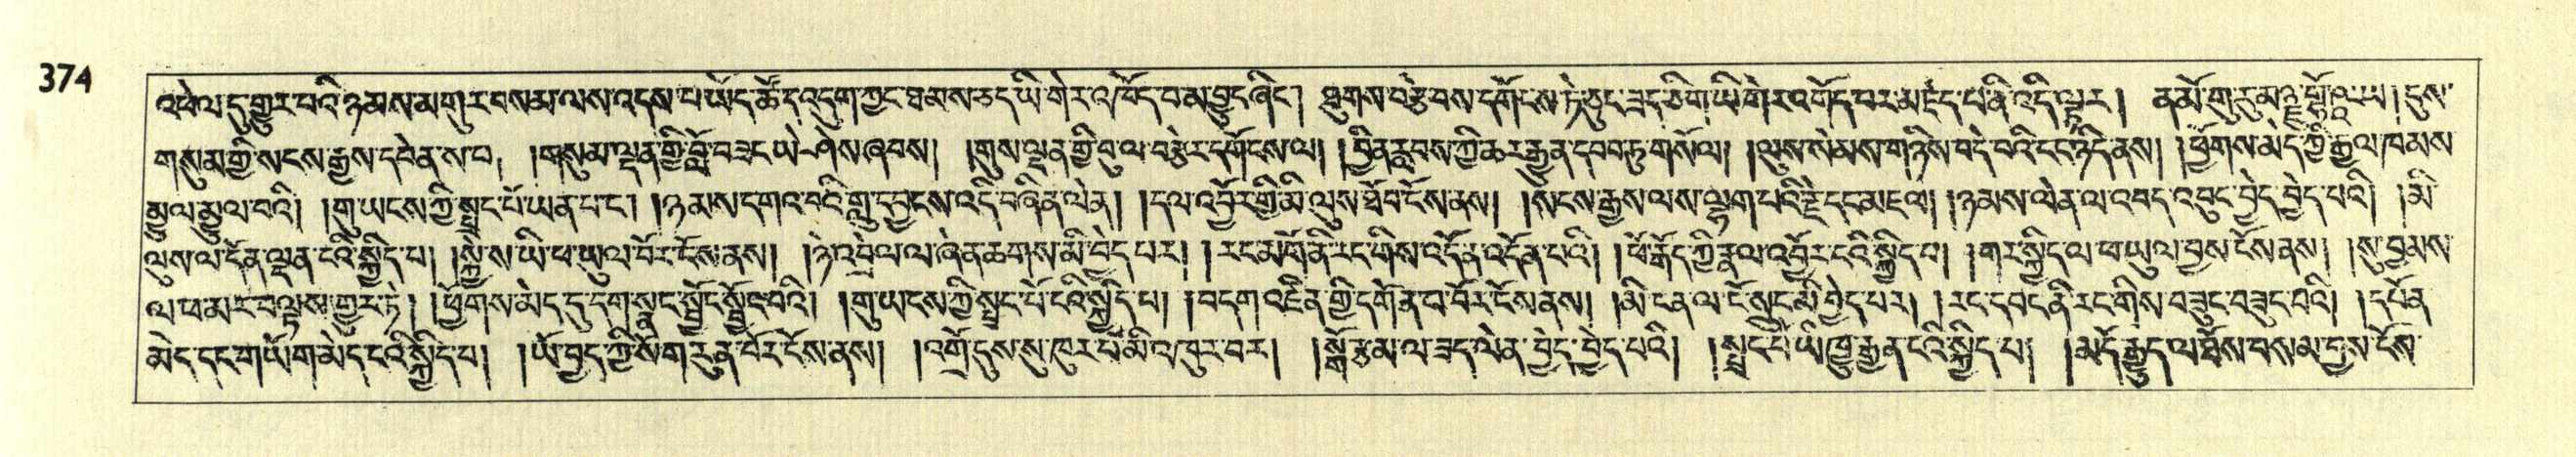འཕེལ་དུ་གྱུར་པའི་ཉམས་མགུར་བསམ་ལས་འདས་པ་ཡོད་ཚོད་འདུག་ཀྱང་ཐམས་ཅད་ཡི་གེར་འཁོད་བ་མ་བྱུང་ཞིང་། ཐུགས་བརྩེ་བས་དགོངས་ཏེ་ཅུང་ཟད་ཅིག་ཡི་གེར་འགོད་པར་མཛད་པ་ནི་འདི་ལྟར། ན་མོ་གུ་རུ་མཉྫུ་གྷོ་ཥཱ་ཡ་།དུས་
གསུམ་གྱི་སངས་རྒྱས་དབེན་ས་པ། །གསུམ་ལྡན་གྱི་བློ་བཟང་ཡེ་ཤེས་ཞབས། །གུས་ལྡན་གྱི་བུ་ལ་བརྩེར་དགོངས་ལ། །བྱིན་རླབས་ཀྱི་ཆར་རྒྱུན་དབབ་ཏུ་གསོལ། །ལུས་སེམས་གཉིས་བདེ་བའི་ངང་ཉིད་ནས། །ཕྱོགས་མེད་ཀྱི་རྒྱལ་ཁམས་
མྱུལ་མྱུལ་བའི། །གུ་ཡངས་ཀྱི་སྤྲང་པོ་ཡན་པ་ང་། །ཉམས་དགའ་བའི་གླུ་དབྱངས་འདི་བཞིན་ལེན། །དལ་འབྱོར་གྱི་མི་ལུས་ཐོབ་ངོས་ནས། །སངས་རྒྱས་ལས་ལྷག་པའི་རྗེ་དང་མཇལ། །ཉམས་ལེན་ལ་འབད་འབུང་བྱེད་བྱེད་པའི། །མི་
ལུས་ལ་དོན་ལྡན་ངའི་སྐྱིད་པ། །སྐྱེ་ས་ཡི་ཕ་ཡུལ་བོར་ངོས་ནས། །ཉེ་འབྲེལ་ལ་ཞེན་ཆགས་མི་བྱེད་པར། །རང་མགོ་ནི་རང་གིས་འདོན་འདོན་པའི། །ཕོ་རྒོད་ཀྱི་རྣལ་འབྱོར་ངའི་སྐྱིད་པ། །གར་སྐྱིད་ལ་ཕ་ཡུལ་བྱས་ངོས་ནས། །སུ་བྱམས་
ལ་ཕ་མར་བལྟས་གྱུར་ཏེ། །ཕྱོགས་མེད་དུ་དག་སྣང་སྦྱོང་སྦྱོང་བའི། །གུ་ཡངས་ཀྱི་སྤྲང་པོ་ངའི་སྐྱིད་པ། །བདག་འཛིན་གྱི་དགོན་བ་བོར་ངོས་ནས། །མི་ངན་ལ་ངོ་སྲུང་མི་བྱེད་པར། །རང་དབང་ནི་རང་གིས་བཟུང་བཟུང་བའི། །དཔོན་
མེད་དང་གཡོག་མེད་ངའི་སྐྱིད་པ། །ཡོ་བྱད་ཀྱི་སོག་རུན་པོར་ངོས་ནས། །འགྲོ་དུས་སུ་ཁུར་པོ་མི་འཁུར་བར། །སྒོ་རྩམ་ལ་ཟད་ལེན་བྱེད་བྱེད་པའི། །སྤྲང་པོ་ཡི་ཁྱུ་རྒྱན་ངའི་སྐྱིད་པ། །མདོ་རྒྱུད་ལ་ཐོས་བསམ་བྱས་ངོས་